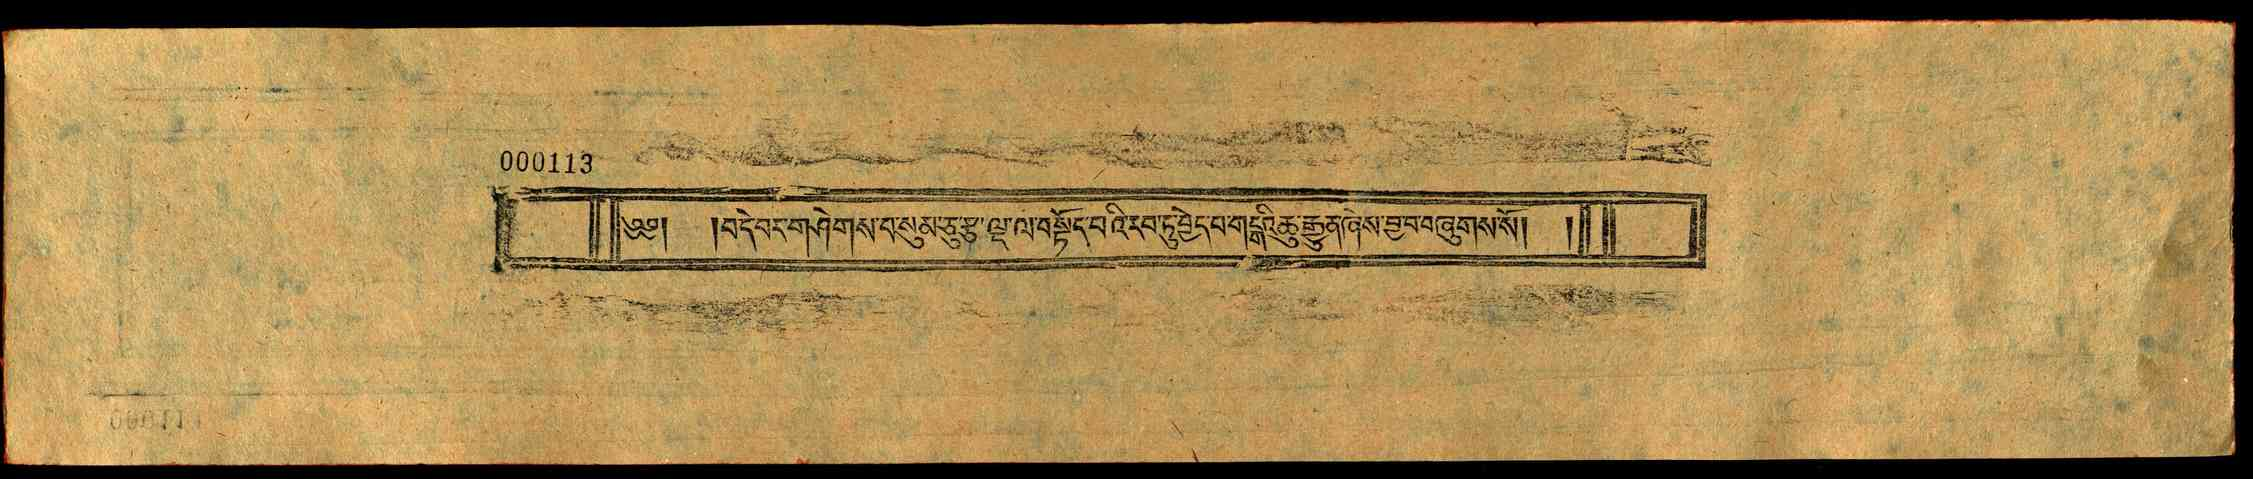༄༅། །བདེ་བར་གཤེགས་པ་སུམ་ཅུ་རྩ་ལྔ་ལ་བསྟོད་པ་རབ་ཏུ་བྱེད་པ་གངྒའི་ཆུ་རྒྱུན་ཞེས་བྱ་བ་བཞུགས་སོ། །